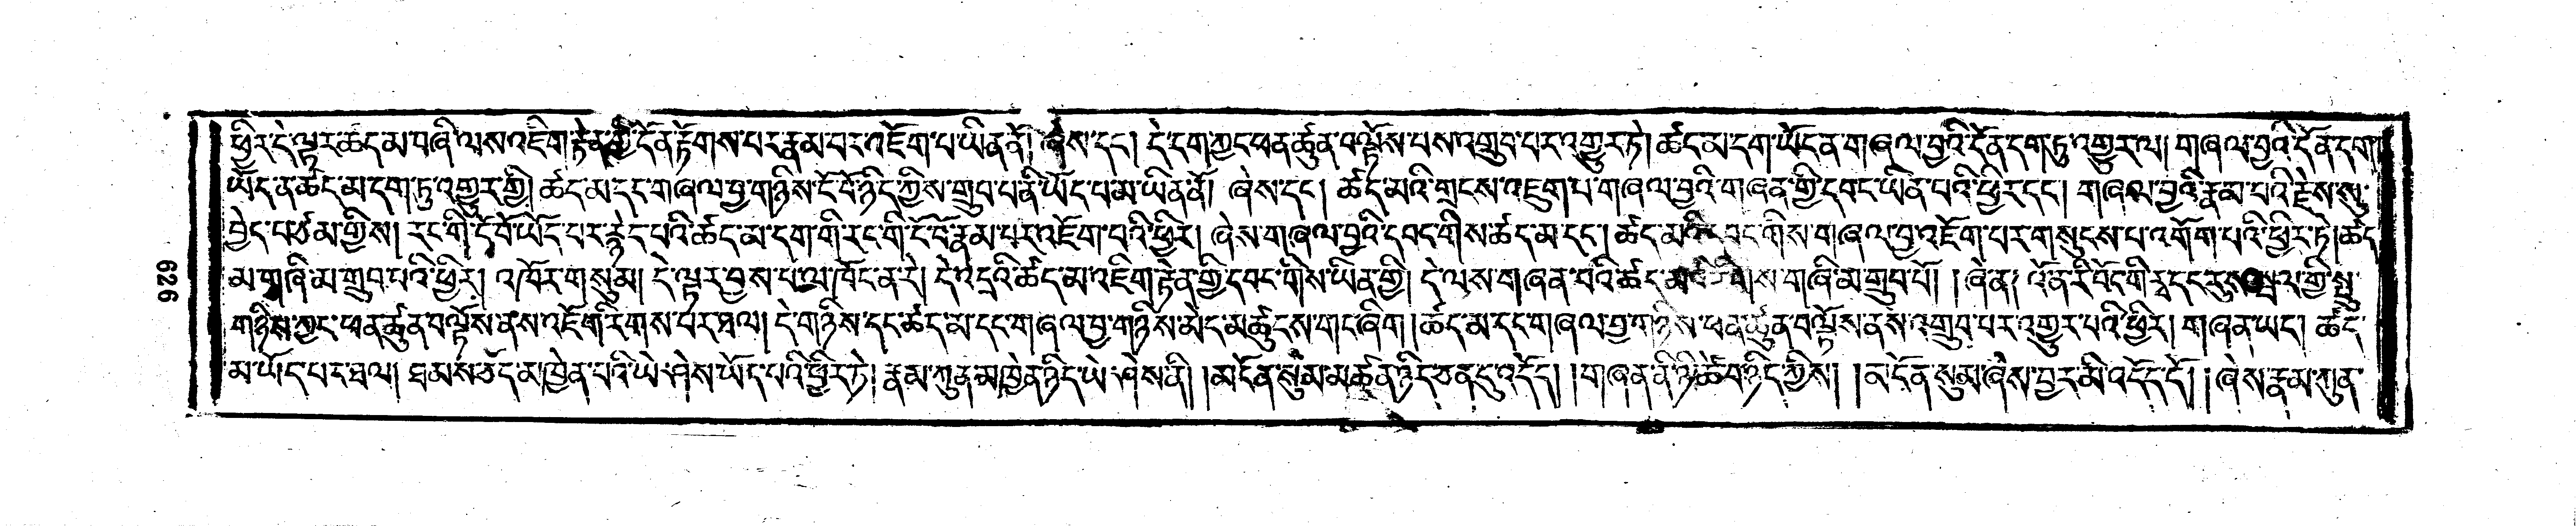ཕྱིར་དེ་ལྟར་ཚད་མ་བཞི་ལས་འཇིག་རྟེན་གྱི་དོན་རྟོགས་པར་རྣམ་པར་འཇོག་པ་ཡིན་ནོ། ཞེས་དང་། དེ་དག་ཀྱང་ཕན་ཚུན་བལྟོས་པས་འགྲུབ་པར་འགྱུར་ཏེ། ཚད་མ་དག་ཡོད་ན་གཞལ་བྱའི་དོན་དག་ཏུ་འགྱུར་ལ། གཞལ་བྱའི་དོན་དག་
ཡོད་ན་ཚད་མ་དག་ཏུ་འགྱུར་གྱི། ཚད་མ་དང་གཞལ་བྱ་གཉིས་ངོ་བོ་ཉིད་ཀྱིས་གྲུབ་པ་ནི་ཡོད་པ་མ་ཡིན་ནོ། ཞེས་དང་། ཚད་མའི་གྲངས་འཇུག་པ་གཞལ་བྱའི་གཞན་གྱི་དབང་ཡིན་པའི་ཕྱིར་དང་། གཞལ་བྱའི་རྣམ་པའི་རྗེས་སུ་
བྱེད་པ་ཙམ་གྱིས། རང་གི་ངོ་བོ་ཡོད་པར་རྙེད་པའི་ཚད་མ་དག་གི་རང་གི་ངོ་བོ་རྣམ་པར་འཇོག་པའི་ཕྱིར། ཞེས་གཞལ་བྱའི་དབང་གིས་ཚད་མ་དང་། ཚད་མའི་དབང་གིས་གཞལ་བྱ་འཇོག་པར་གསུངས་པ་འགོག་པའི་ཕྱིར་ཏེ། ཚད་
མ་གཞི་མ་གྲུབ་པའི་ཕྱིར། འཁོར་གསུམ། དེ་ལྟར་བྱས་པ་ལ་ཁོང་ན་རེ། དེ་འདྲའི་ཚད་མ་འཇིག་རྟེན་གྱི་དབང་གིས་ཡིན་གྱི། དེ་ལས་གཞན་པའི་ཚད་མའི་རིགས་གཞི་མ་གྲུབ་བོ། །ཞེ་ན༑ འོ་ན་རི་བོང་གི་རྭ་དང་རུས་སྦལ་གྱི་སྤུ་
གཉིས་ཀྱང་ཕན་ཚུན་བལྟོས་ནས་འཇོག་རིགས་པར་ཐལ། དེ་གཉིས་དང་ཚད་མ་དང་གཞལ་བྱ་གཉིས་མེད་མཚུངས་གང་ཞིག །ཚད་མ་དང་གཞལ་བྱ་གཉིས་ཕན་ཚུན་བལྟོས་ནས་འགྲུབ་པར་འགྱུར་བའི་ཕྱིར། གཞན་ཡང་། ཚད་
མ་ཡོད་པར་ཐལ། ཐམས་ཅད་མཁྱེན་པའི་ཡེ་ཤེས་ཡོད་པའི་ཕྱིར་ཏེ། རྣམ་ཀུན་མཁྱེན་ཉིད་ཡེ་ཤེས་ནི། །མངོན་སུམ་མཚན་ཉིད་ཅན་དུ་འདོད། །གཞན་ནི་ཉི་ཚེ་བ་ཉིད་ཀྱིས། །མངོན་སུམ་ཞེས་བྱར་མི་འདོད་དོ། །ཞེས་རྣམ་ཀུན་